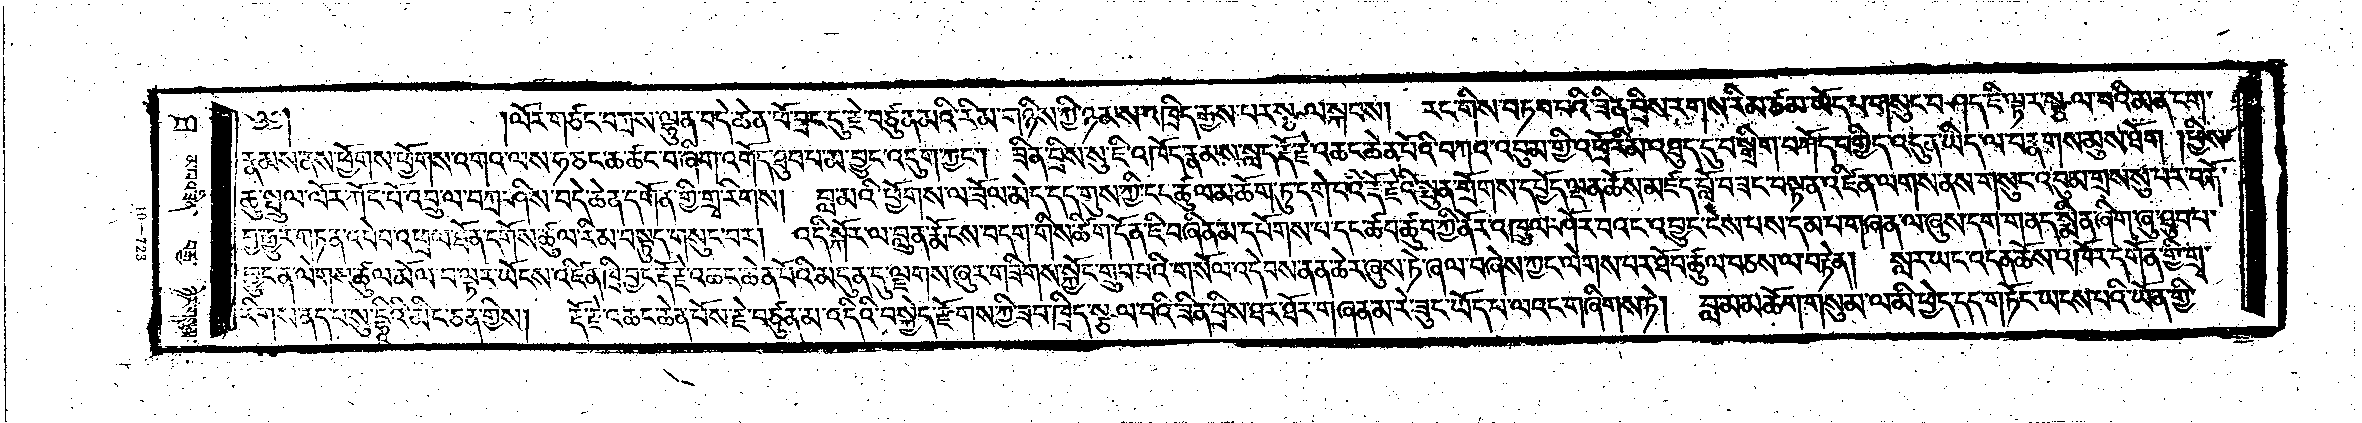༄༅། །ལོར་གཙང་བཀྲས་ལྷུན་བདེ་ཆེན་ཕོ་བྲང་དུ་རྗེ་བཙུན་མའི་རིམ་གཉིས་ཀྱི་ཉམས་འཁྲིད་རྒྱས་པར་སྩལ་སྐབས། རང་གིས་བཏབ་པའི་ཟིན་བྲིས་རགས་རིམ་ཙམ་ཡོད་པ་གསུང་བཤད་ཇི་ལྟར་སྩལ་བའི་མན་ངག་
རྣམས་ནས་ཕྱོགས་ཕྱོགས་འགའ་ལས་ཧ་ཅང་ཆ་ཚང་བ་ཞིག་འགོད་ཐུབ་པ་མ་བྱུང་འདུག་ཀྱང་། ཟིན་བྲིས་སུ་ཇི་འཁོད་རྣམས་སླད་རྡོ་རྗེ་འཆའ་ཆེན་པོའི་བཀའ་འབུམ་གྱི་འཕྲོ་རིམ་འཐུད་དུ་བསྒྲིག་བཀོད་བགྱིད་འདུན་ཡིད་ལ་བརྣགས་མུས་ཐོག །ཕྱིས་
ཆུ་སྤྲུལ་ལོར་ཀོང་པོ་འབྲུ་ལ་བཀྲ་ཤིས་བདེ་ཆེན་དགོན་གྱི་གྲྭ་རིགས། བླ་མའི་ཕྱོགས་ལ་ཟོལ་མེད་དད་གུས་ཀྱི་ངང་ཚུལ་མཆོག་ཏུ་དགེ་བའི་རྡོ་རྗེའི་སྤུན་གྲོགས་དཔྱོད་ལྡན་ཆོས་མཛད་བློ་བཟང་བསྟན་འཛིན་ལགས་ནས་གསུང་འབུམ་གྲས་སུ་བར་བརྐོ་
བྱ་རྒྱུར་གཏན་འབེབ་འཕྲལ་ཐོན་དགོས་ཚུལ་རིམ་བསྟུད་གསུང་བར། འདེ་སྐོར་ལ་བླུན་རྨོངས་བདག་གིས་ཚིག་དོན་ཇི་བཞིན་མ་དཔོགས་པ་དང་ཚབ་ཚུབ་ཀྱི་ནོར་འཁྲུལ་ཤོར་བའང་འབྱུང་ངེས་བས་དམ་པ་གཞན་ལ་ཞུས་དག་གནད་སྨིན་ཞིག་ཞུ་ཐུབ་པ་
བྱུང་ན་ལེགས་ཚུལ་མོལ་བ་ལྟར་ཡོངས་འཛིན་ཁྲི་བྱང་རྡོ་རྗེ་འཆང་ཆེན་པོའི་མདུན་དུ་ལྗགས་ཞུར་གཟིགས་སྐྱོང་གྲུབ་པའི་གསོལ་འདེབས་ནན་ཆེར་ཞུས་ཏེ་ཞལ་བཞེས་ཀྱང་ལེགས་པར་ཐོབ་ཚུལ་བཅས་ལ་བརྟེན། སླར་ཡང་འདན་ཆོས་འཁོར་དགོན་གྱི་གྲྭ་
རིགས་ནད་པ་སུ་དྷཱིའི་མིང་ཅན་གྱིས། རྡོ་རྗེ་འཆང་ཆེན་པོས་རྗེ་བཙུན་མ་འདིའི་བསྐྱེད་རྫོགས་ཀྱི་ཟབ་ཁྲིད་སྩལ་བའི་ཟིན་བྲིས་ཐར་ཐོར་གཞན་མ་རེ་ཟུང་ཡོད་པ་ལའང་གཞིགས་ཏེ། བླ་མ་མཆོག་གསུམ་ལ་མི་ཕྱེད་དད་གཏོང་ཡངས་པའི་ཡོན་གྱི་